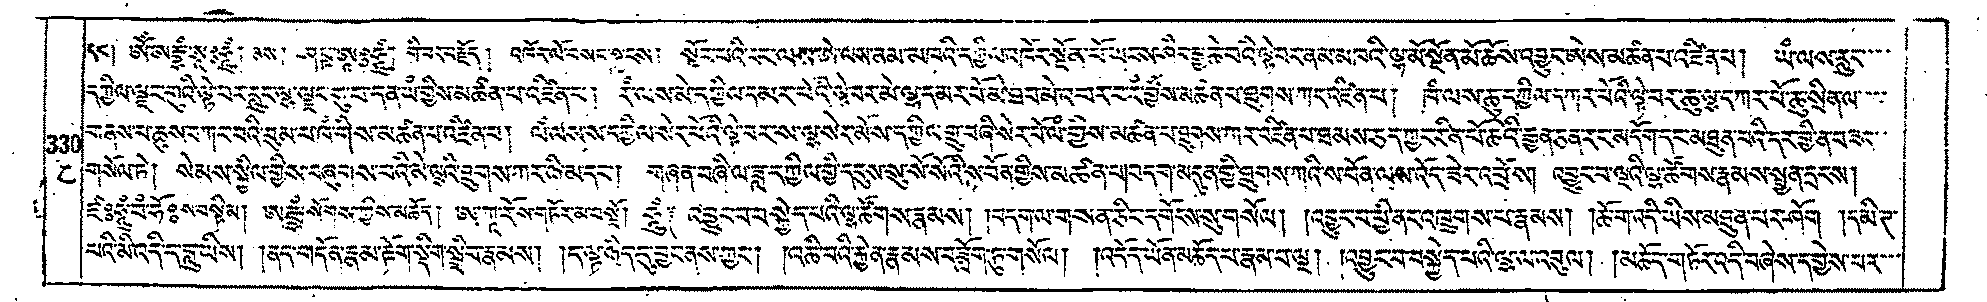དང་། ཨོཾ་ཨརྒྷཾ་ཨཱཿཧཱུཾ། ནས། ཤཔྟ་ཨཱཿཧཱུཾ། གི་བར་བརྗོད། འཁོར་ལོ་བསང་སྦྱངས། སྟོང་པའི་ངང་ལས་ཨེ་ལས་ནམ་མཁའི་དཀྱིལ་འཁོར་སྔོན་པོ་ཡངས་ཤིང་རྒྱ་ཆེ་བའི་ལྟེ་བར་ནམ་མཁའི་ལྷ་མོ་སྔོན་མོ་ཆོས་འབྱུང་ཨེས་མཚན་པ་འཛིན་པ། ཡཾ་ལས་རླུང་་་
དཀྱིལ་ལྗང་གུའི་ལྟེ་བར་རླུང་ལྷ་ལྗང་གུ་བ་དན་ཡཾ་གྱིས་མཚན་པ་འཛིན་པ། རཾ་ལས་མེ་དཀྱིལ་དམར་པོའི་ལྟེ་བར་མེ་ལྷ་དམར་པོ་མེ་ཐབ་མེ་འབར་བ་རཾ་གྱིས་མཚན་པ་ཐུགས་ཀར་འཛིན་པ། ཁཾ་ལས་ཆུ་དཀྱིལ་དཀར་པོའི་ལྟེ་བར་ཆུ་ལྷ་དཀར་པོ་ཆུ་སྲིན་ལ་་་
གནས་པ་ཆུས་བཀང་བའི་བུམ་པ་ཁཾ་གིས་མཚན་པ་འཛིན་པ། ལཾ་ལས་ས་དཀྱིལ་སེར་པོའི་ལྟེ་བར་ས་ལྷ་སེར་མོ་ས་དཀྱིལ་གྲུ་བཞི་སེར་པོ་ལཾ་གྱིས་མཚན་པ་ཐུགས་ཀར་འཛིན་པ་ཐམས་ཅད་ཀྱང་རིན་པོ་ཆེའི་རྒྱན་ཅན་རང་མདོག་དང་མཐུན་པའི་དར་གྱི་ན་བཟའ་་་
གསོལ་ཏེ། སེམས་སྐྱིལ་གྱིས་བཞུགས་པའི་མེ་ལྷའི་ཐུགས་ཀར་ཉི་མ་དང་། གཞན་བཞི་ལ་ཟླ་དཀྱིལ་གྱི་དབུས་སུ་སོ་སོའི་ས་བོན་གྱིས་མཚན་པ། བདག་མདུན་གྱི་ཐུགས་ཀའི་ས་བོན་ལས་འོད་ཟེར་འཕྲོས། འབྱུང་བ་ལྔའི་ལྷ་ཚོགས་རྣམས་སྤྱན་དྲངས།
ཛཿ ཧཱུཾ་བཾ་ཧོཿ ས་བསྟིམ།  ཨརྒྷཾ་སོགས་ཀྱིས་མཆོད།  ཨ་ཀཱ་རོས་གཏོར་མ་བསྔོ།  ཧཱུཾ༑ འབྱུང་བ་བསྐྱེད་པའི་ལྷ་ཚོགས་རྣམས། །བདག་ལ་གསན་ཅིང་དགོངས་སུ་གསོལ། །འབྱུང་བ་ཕྱི་ནང་འཁྲུགས་པ་རྣམས། །ཆོ་ག་འདི་ཡིས་མཐུན་པར་ཤོག་དམིཌ་
པའི་མི་འདི་ད་བླུ་ཡིས། །ནད་གདོན་རྣམ་རྟོག་སྡིག་སྒྲིབ་རྣམས། །ད་ལྟ་ཉིད་དུ་བྱང་ནས་ཀྱང་། །འཆི་བའི་རྐྱེན་རྣམས་བཟློག་ཏུ་གསོལ། །འདོད་ཡོན་མཆོད་པ་རྣམ་པ་ལྔ། །འབྱུང་བ་བསྐྱེད་པའི་ལྷ་ལ་འབུལ། །མཆོད་གཏོར་འདི་བཞེས་དགྱེས་པར་་་